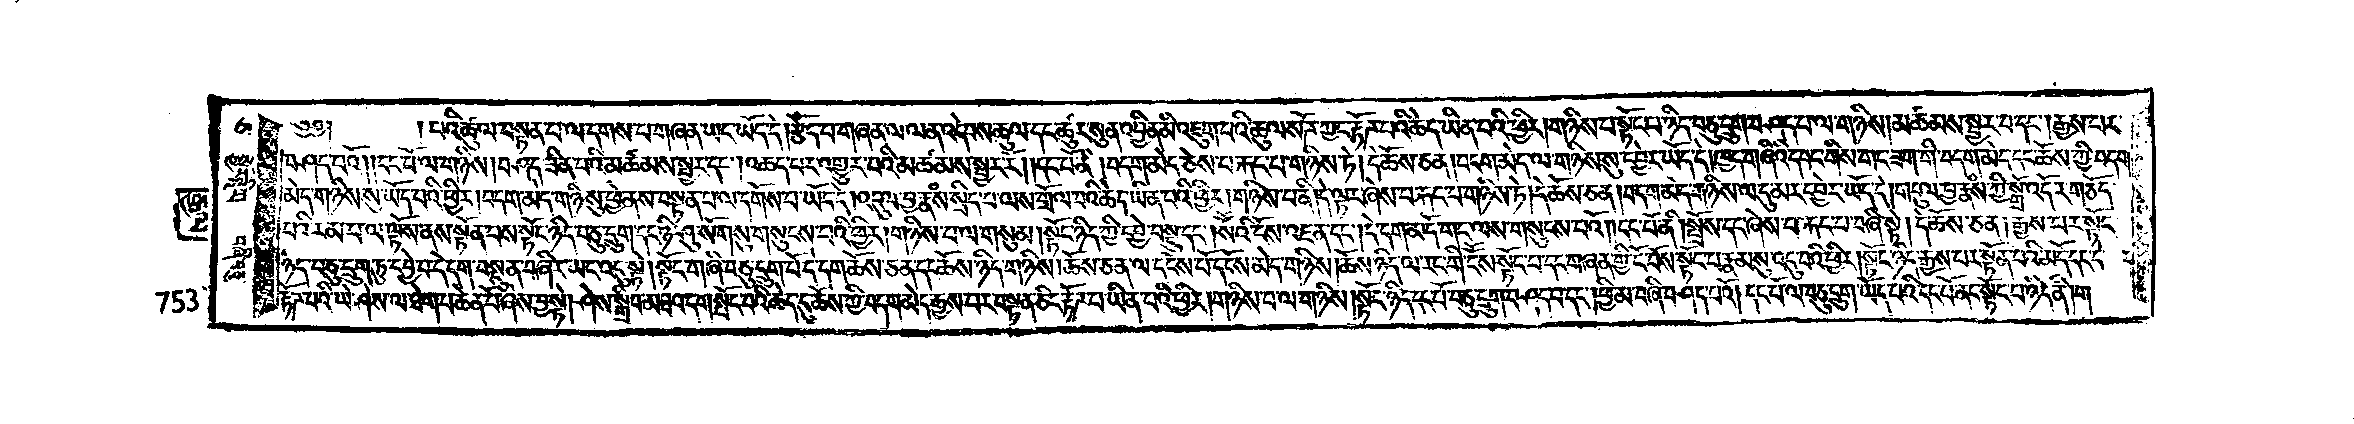༄༅། །པའི་ཚུལ་བསྟན་པ་ལ་དགས་པ་གཞན་ཡང་ཡོད་དེ། རྩོད་པ་གཞན་ལ་ལན་འདེབས་ཚུལ་དང་ཚུར་སུན་འབྱིན་མི་འཇུག་པའི་ཆུལ་སོགས་ཀྱང་རྟོགས་པའི་ཆེད་ཡིན་པའི་ཕྱིར། གཉིས་པ་སྟོང་པ་ཉིད་བཅུ་དྲུག་བཤད་པ་ལ་གཉིས། མཚམས་སྦྱར་བ་དང་། རྒྱས་པར་
བཤད་པའོ། །དང་པོ་ལ་གཉིས། བཤད་ཟིན་པའི་མཚམས་སྦྱར་དང་། འཆད་པར་འགྱུར་བའི་མཚམས་སྦྱར་རོ། །དང་པོ་ནི། བདག་མེད་ཅེས་པ་རྐང་པ་གཉིས་ཏེ། དེ་ཆོས་ཅན། བདག་མེད་ལ་གཉིས་སུ་དབྱེར་ཡོད་དེ། ཁྱད་གཞིའི་དབང་གིས་གང་ཟག་གི་བདག་མེད་དང་ཆོས་ཀྱི་བདག་
མེད་གཉིས་སུ་ཡོད་པའི་ཕྱིར། བདག་མེད་གཉིས་སུ་ཕྱེ་ནས་བསྟན་པ་ལ་དགོས་པ་ཡོད་དེ། འདུལ་བྱ་རྣམས་སྲིད་པ་ལས་གྲོལ་བའི་ཆེད་ཡིན་པའི་ཕྱིར། གཉིས་པ་ནི། དེ་ལྟར་ཞེས་པ་རྐང་པ་གཉིས་ཏེ། དེ་ཆོས་ཅན། བདག་མེད་གཉིས་ལ་དུ་མར་དབྱེར་ཡོད་དེ། གདུལ་བྱ་རྣམས་ཀྱི་སྒྲོ་འདོར་གཅོད་
པའི་རམ་པ་ལ་ལྟོས་ནས་སྟོན་པས་སྟོང་ཉིད་བཅུ་དྲུག་དང་ཉི་ཤུ་སོགས་སུ་གསུངས་པའི་ཕྱིར། གཉིས་པ་ལ་གསུམ། སྟོང་ཉིད་ཀྱི་དབྱེ་བསྡུ་དང་། སོ་སོའི་ངོས་འཇན་དང་། དེ་དག་མདོ་གང་ལས་གསུངས་པའོ། །དང་པོ་ནི། སྤྲོས་དང་ཞེས་པ་རྐང་པ་བཞི་སྟེ། དེ་ཆོས་ཅན། རྒྱས་པར་སྟོང་
ཉིད་བཅུ་དྲུག་ཏུ་དབྱེ་བ་དེ་དག་བསྡུན་བཞིར་ཡང་འདུ་སྟེ། སྟོང་གཞི་བཅུ་དྲུག་པོ་དེ་དག་ཆོས་ཅན་དང་ཆོས་ཉིད་གཉིས། ཆོས་ཅན་ལ་དངོས་པོ་དངོས་མེད་གཉིས། ཆོས་ཉིད་ལ་རང་གི་ངོ་བོས་སྟོང་པ་དང་གཞན་གྱི་ངོ་བོས་སྟོང་པ་རྣམས་སུ་འདུ་བའི་ཕྱིར། སྟོང་ཉིད་རྒྱས་པར་སྟོན་པའི་མདོ་དང་དེ་
རྟོགས་པའི་ཡེ་ཤེས་ལ་ཐེག་པ་ཆེན་པོ་ཞེས་བྱ་སྟེ། ཤེས་སྒྲིབ་མཐའ་དག་སྤོང་བའི་ཆེད་དུ་ཆོས་ཀྱི་བདག་མེད་རྒྱས་པར་བསྟན་ཅིང་རྟོགས་པ་ཡིན་པའི་ཕྱིར། གཉིས་པ་ལ་གཉིས། སྟོང་ཉིད་དང་པོ་བཅུ་དྲུག་བཤད་པ་དང་། ཕྱི་མ་བཞི་བཤད་པའོ། དང་པོ་ལ་བཅུ་དྲུག་ཡོད་པའི་དང་པོ་ནང་སྟོང་པ་ཉིད་ནི། ག་